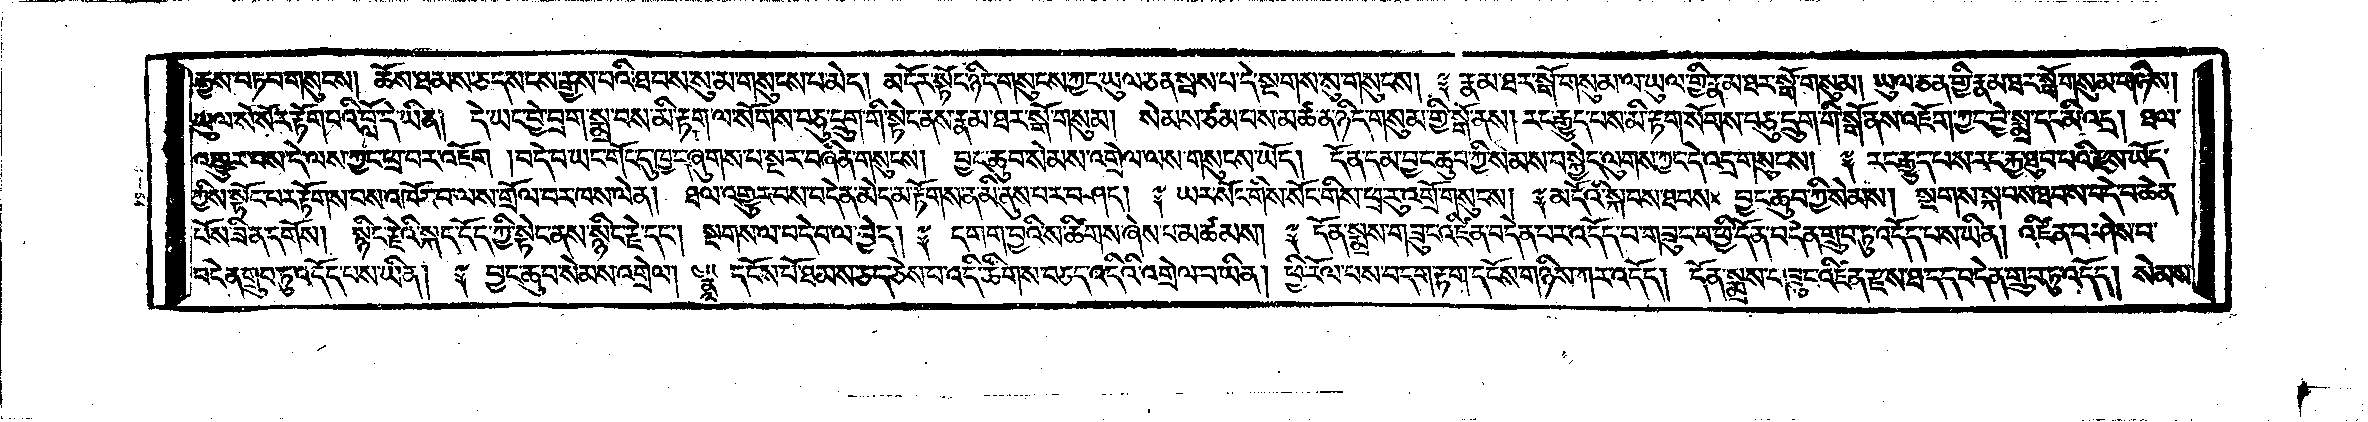རྒྱས་བཏབ་གསུངས། ཆོས་ཐམས་ཅད་སངས་རྒྱས་པའི་ཐབས་སུ་མ་གསུངས་པ་མེད། མདོར་སྟོང་ཉིད་གསུངས་ཀྱང་ཡུལ་ཅན་སྦས་པ་དེ་སྔགས་སུ་གསུངས། ༈ རྣམ་ཐར་སྒོ་གསུམ་ལ་ཡུལ་ཀྱི?་རྣམ་ཐར་སྒོ་གསུམ། ཡུལ་ཅན་གྱི་རྣམ་ཐར་སྒོ་གསུམ་གཉིས།
ཡུལ་སོ་སོར་རྟོག་པའི་བློ་དེ་ཡིན། དེ་ཡང་བྱེ་བྲག་སྨྲ་བས་མི་རྟག་ལ་སོགས་བཅུ་དྲུག་གི་སྟེང་ནས་རྣམ་ཐར་སྒོ་གསུམ། སེམས་ཙམ་པས་མཚན་ཉིད་གསུམ་གྱི་སྒོ་ནས། རང་རྒྱུད་པས་མི་རྟག་སོགས་བཅུ་དྲུག་གི་སྒོ་ནས་འཇོག་ཀྱང་བྱེ་སྨྲ་དང་མི་འདྲ། ཐལ་
འགྱུར་བས་དེ་ལས་ཀྱང་ཕྲ་བར་འཇོག །བདེ་བ་ཡང་གོང་དུ་ཁྱད་ཞུགས་པ་སྔར་བཞིན་གསུངས། བྱང་ཆུབ་སེམས་འགྲེལ་ལས་གསུངས་ཡོད། དོན་དམ་བྱང་ཆུབ་ཀྱི་སེམས་བསྐྱེད་ལུགས་ཀྱང་དེ་འདྲ་གསུངས། ༈ རང་རྒྱུད་པས་རང་རྐྱ་ཐུབ་པའི་རྫས་ཡོད་
ཀྱིས་སྟོང་པར་རྟོགས་པས་འཁོར་བ་ལས་གྲོལ་བར་ཁས་ལེན། ཐལ་འགྱུར་བས་བདེན་མེད་མ་རྟོགས་ན་མི་ནུས་པར་བཤད། ༈ ཡར་སོང་གིས་སོང་གིས་ཕྲ་རུ་འགྲོ་གསུངས། ༈ མདོའི་སྐབས་ཐབས྾་བྱང་ཆུབ་ཀྱི་སེམས། སྔགས་སྐབས་ཐབས་བདེ་བ་ཆེན་
པོས་ཟིན་དགོས། སྙིང་རྗེའི་སྐད་དོད་ཀྱི་སྟེང་ནས་སྙིང་རྗེ་དང་། སྔགས་ལ་བདེ་བ་ལ་བྱེད། ༈ དགག་བྱའི་ས་ཚིགས་ཞེས་པ་མཚམས། ༈ དོན་སྨྲས་གཟུང་འཛིན་བདེན་པར་འདོད་པ་གཟུང་བ་ཕྱི་དོན་བདེན་གྲུབ་ཏུ་འདོད་པས་ཡིན། འཛིན་པ་ཤེས་པ་
བདེན་གྲུབ་ཏུ་འདོད་པས་ཡིན། ༈ བྱང་ཆུབ་སེམས་འགྲེལ། ༤༥ན༢་དངོས་པོ་ཐམས་ཅད་ཅེས་པ་འདི་ཚིགས་བཅད་འདིའི་འགྲེལ་པ་ཡིན། ཕྱི་རོལ་བས་བདག་རྟག་དངོས་གཉིས་ཀར་འདོད། དོན་སྨྲས་གཟུང་འཛིན་རྫས་ཐ་དད་བདེན་གྲུབ་ཏུ་འདོད། སེམས་